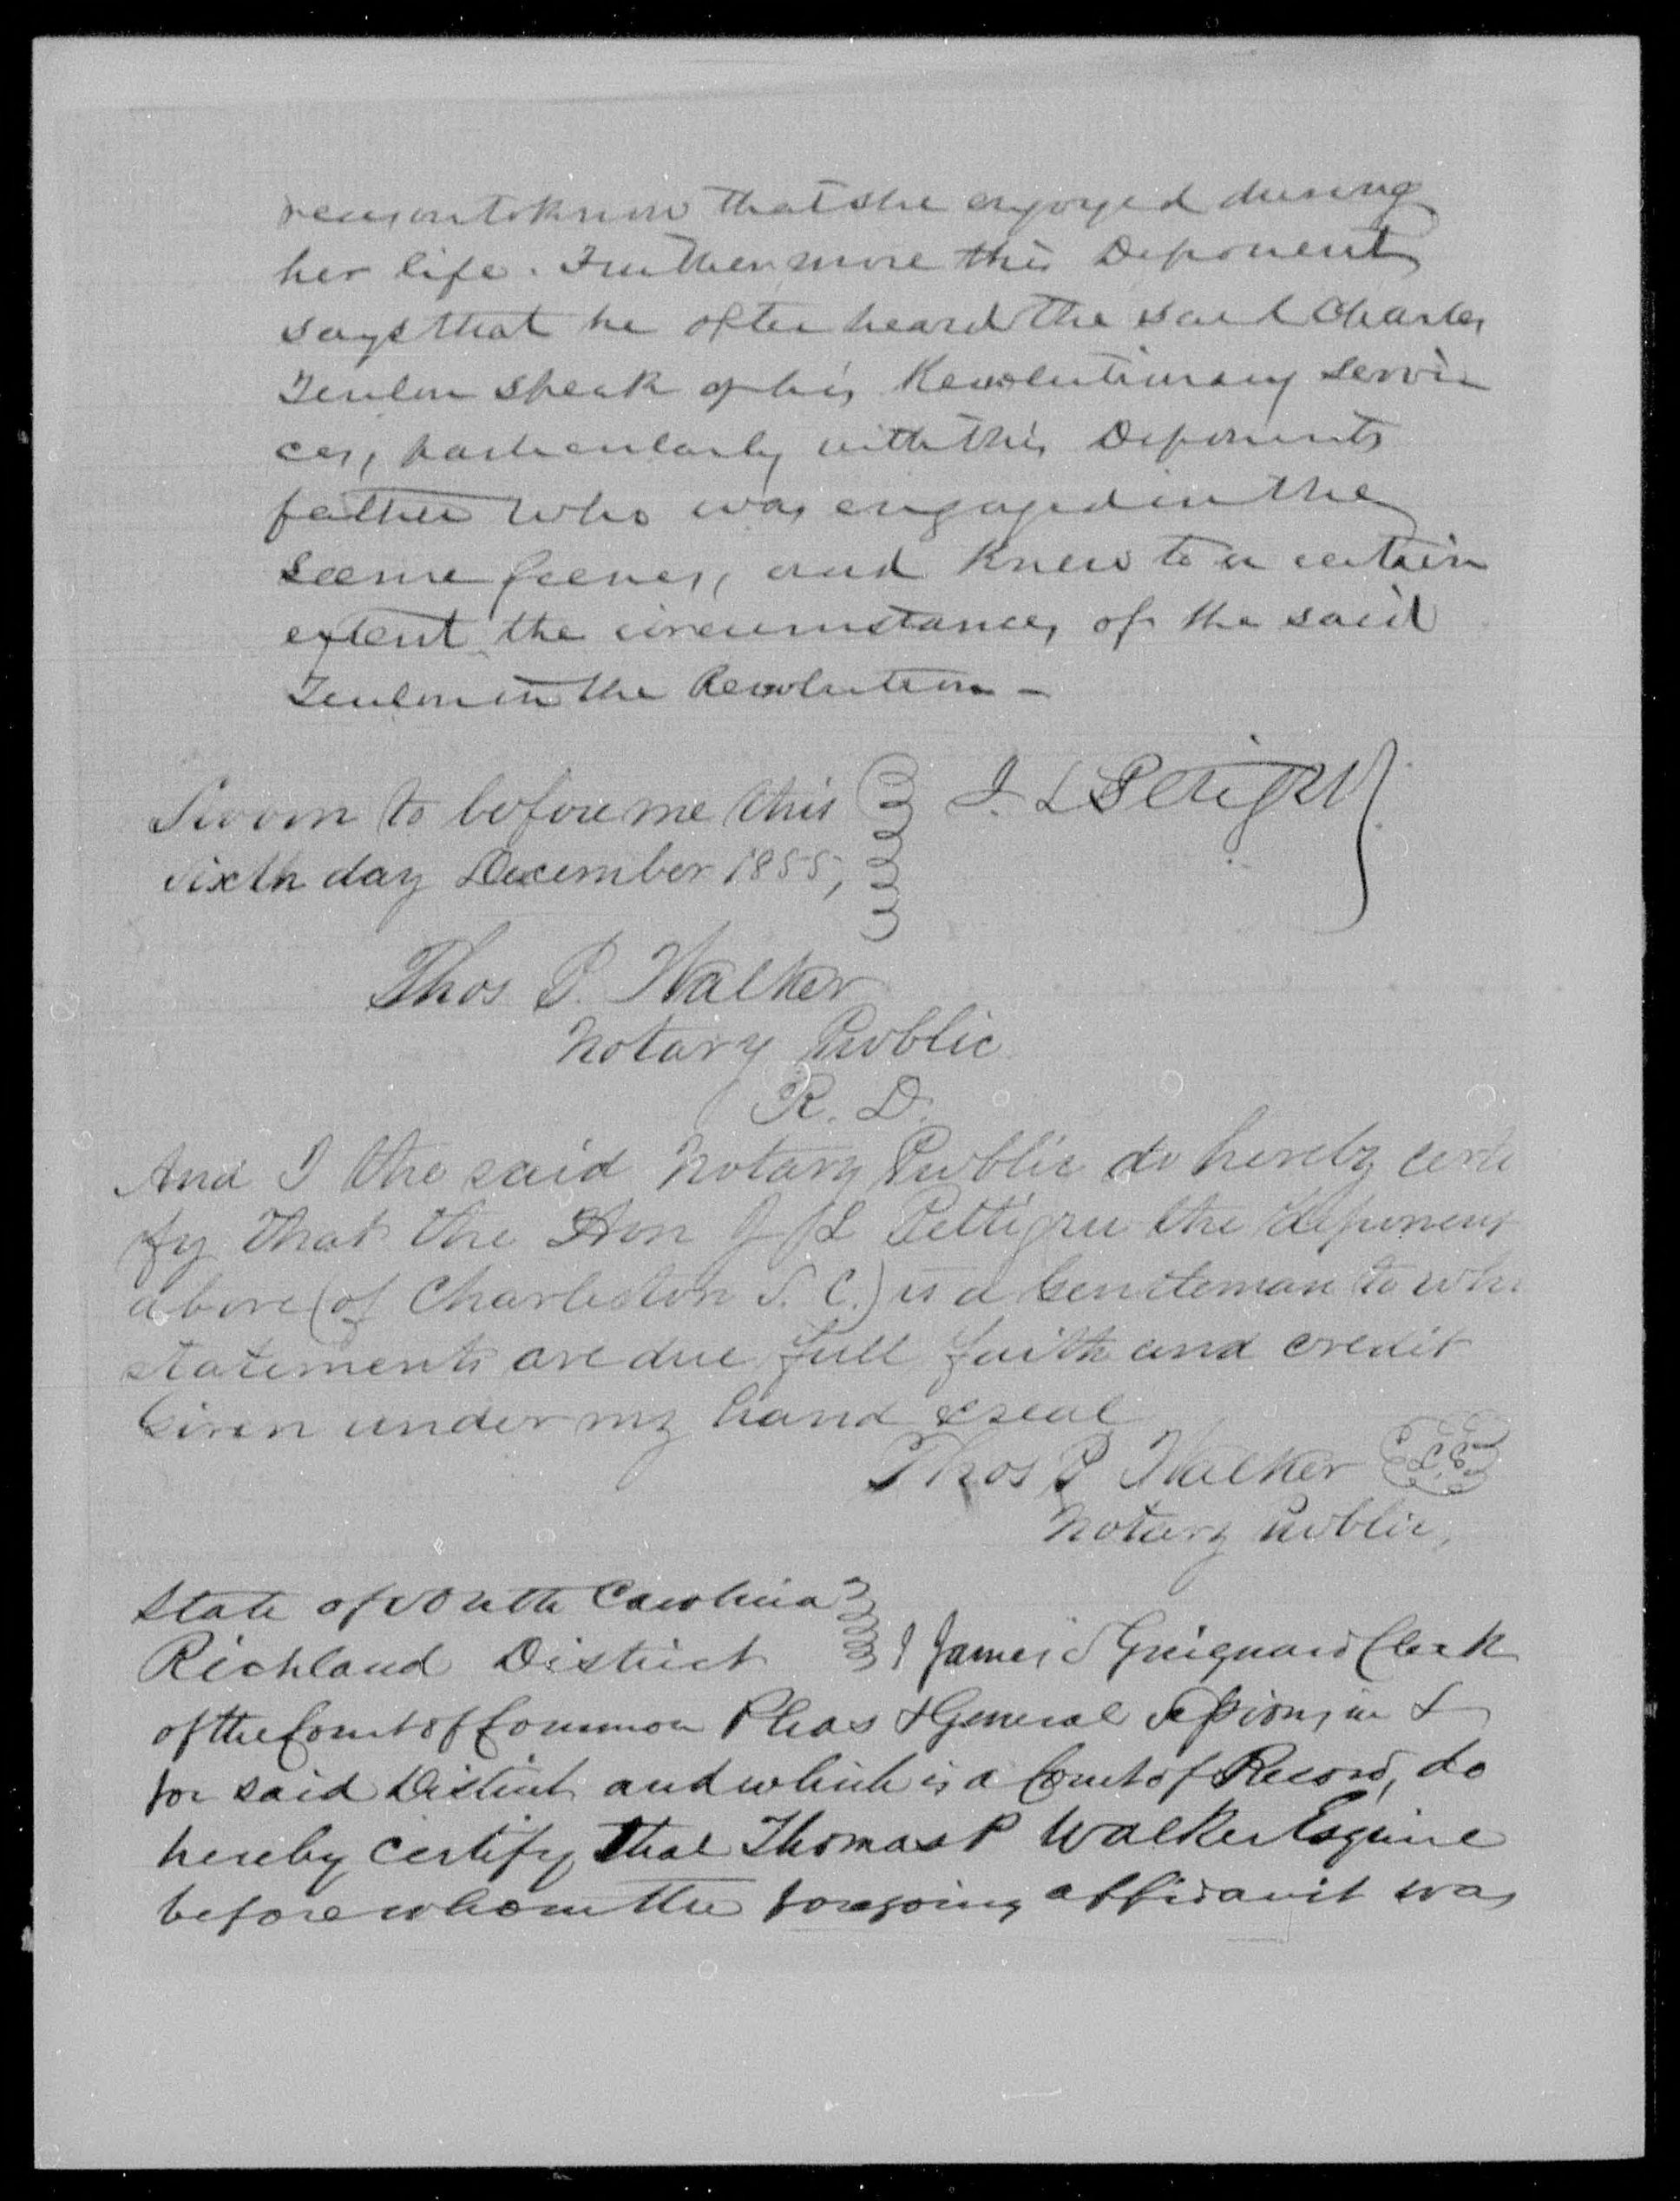(illegible) that she enjoyed during her life. Furthermore this deponent say that he often heard the said Charles Teulon speak of his Revolutionary service (illebile), particularly with this Deponent's father who was engaged in the same (illegible), and knew to be certain extent the circumstances of the said Teulon in the Revolution - 
Sworn to before me this Sixth day December 1855 (scribble) J. L. Petigru
 Thos P Walker
Notary Public
R. D.
and I the said Notary Public do hereby certi-fy that the son of J. L. Pettigru the deponent above (of Charleston S. C.) is a Gentleman to which statements are due full faith and credit given under my hand seal
Thos P Walker Notary Public
State of South Carolina
Richland District ( scribble) James Greiguard ( illegible) of the (illegible) of foreman Phas & General (illegible) & for said District and which is a Court of Record, do hereby certify that Thomas P Walker Esquire before whom the foregoing affidavit was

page: 12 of 19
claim: rejected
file: R. 10474, for Charles Teulon, South Carolina